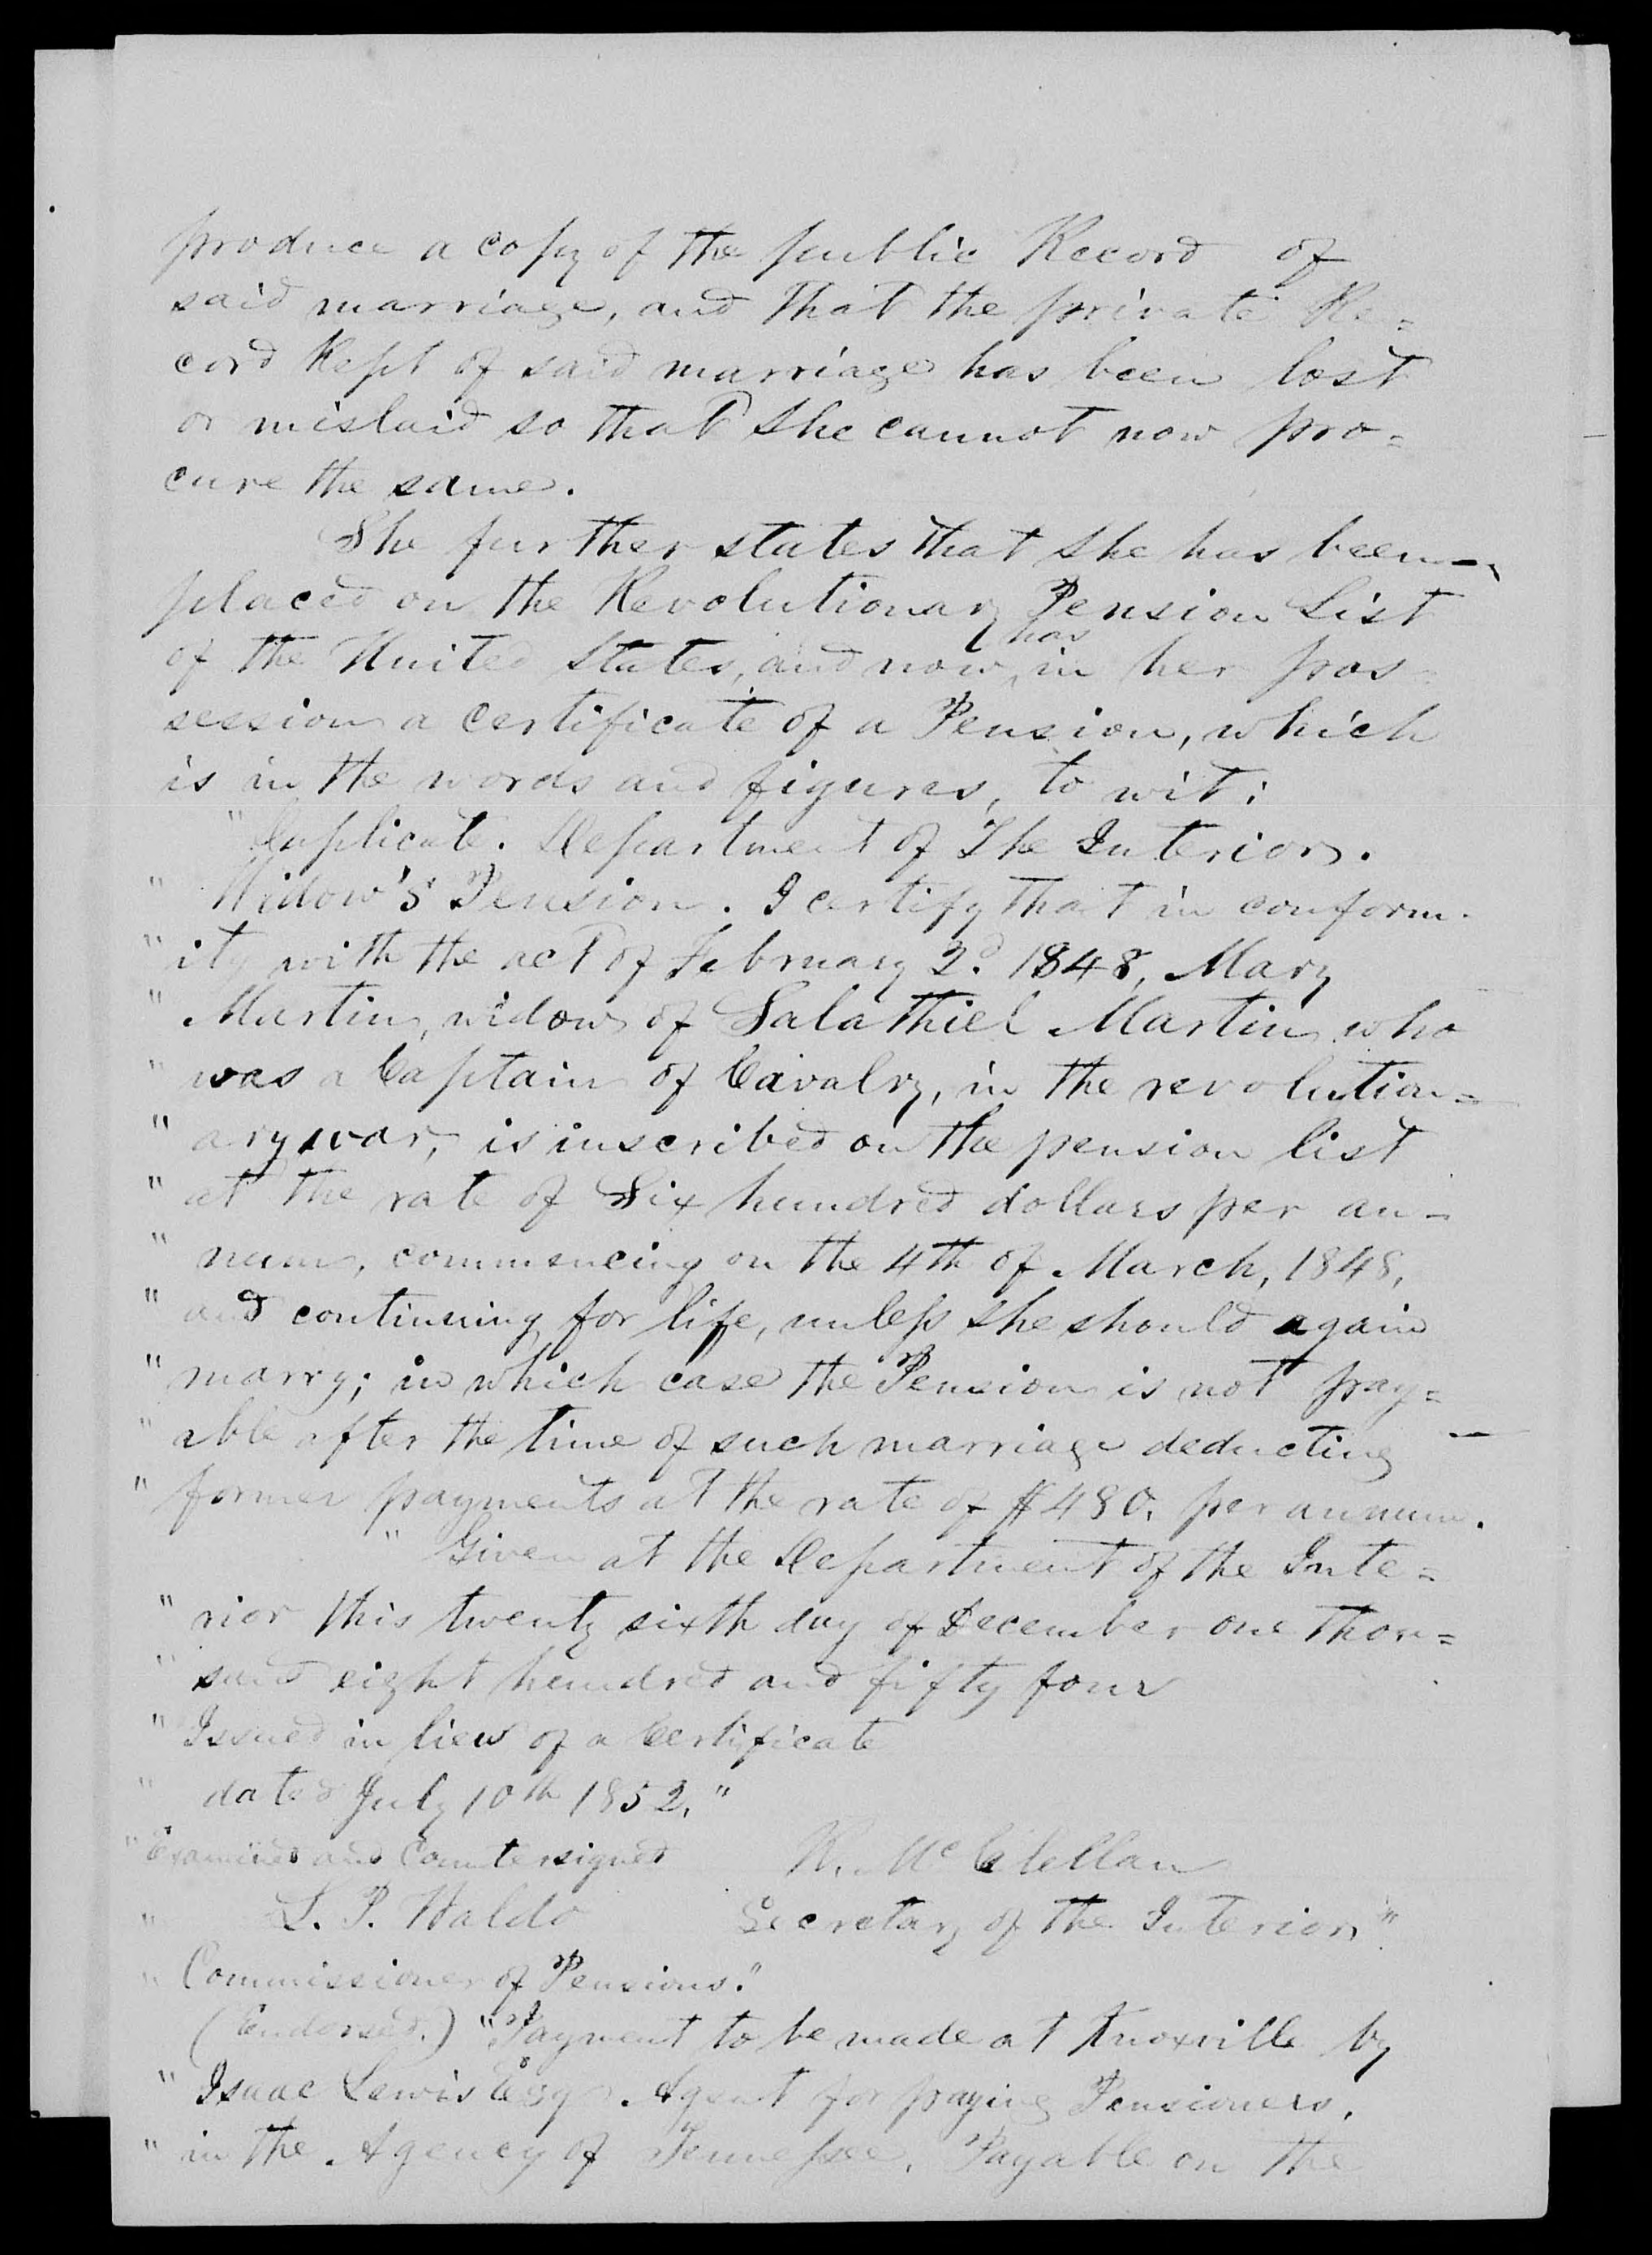produce a copy of the public Record of 
said marriage, and that the private Re=
cord kept of said marriage has been lost
or mislaid so that She cannot now pro=
cure the same. 
She further states that she has been 
placed on the Revolutionary Pension List 
of the United States, and now has in her pos
session a certificate of Pension, which 
is in the words and figures, to wit: 
"Duplicate. Department of the Interior. 
"Widow's Pension. I certify that in conform-
"ity with the act of February 2d 1848, Mary "Martin, widow of Salathiel Martin who 
"was a Captain of Cavalry, in the revolution=
"ary war, is inscribed on the pension list 
"at the rate of Six hundred dollars per an=
"num, commencing on the 4th of March, 1848, "and continuing for life, unless she should again 
"marry; in which case the Pension is not pay=
"able after the time of such marriage deducting 
"former payments at the rate of $480, per annum. 
"Given at the Department of the Inte=
"rior this twenty sixth day of December one thou=
"sand eight hundred and fifty four 
"Issued in lieu of a Certificate 
"dated July 10th 1852," 
"Examined and Countersigned  
R. McClellan [McClelland]
Secretary of the Interior" 
"L.P. Waldo 
"Commissioner of Pensions." 
(Endorsed.) "Payment to be made at Knoxville by 
"Isaac Lewis Esq Agent for paying Pensioners, "in the Agency of Tennessee, Payable on the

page: 10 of 120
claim: widow's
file: W. 1044, for Salathiel Martin, North Carolina